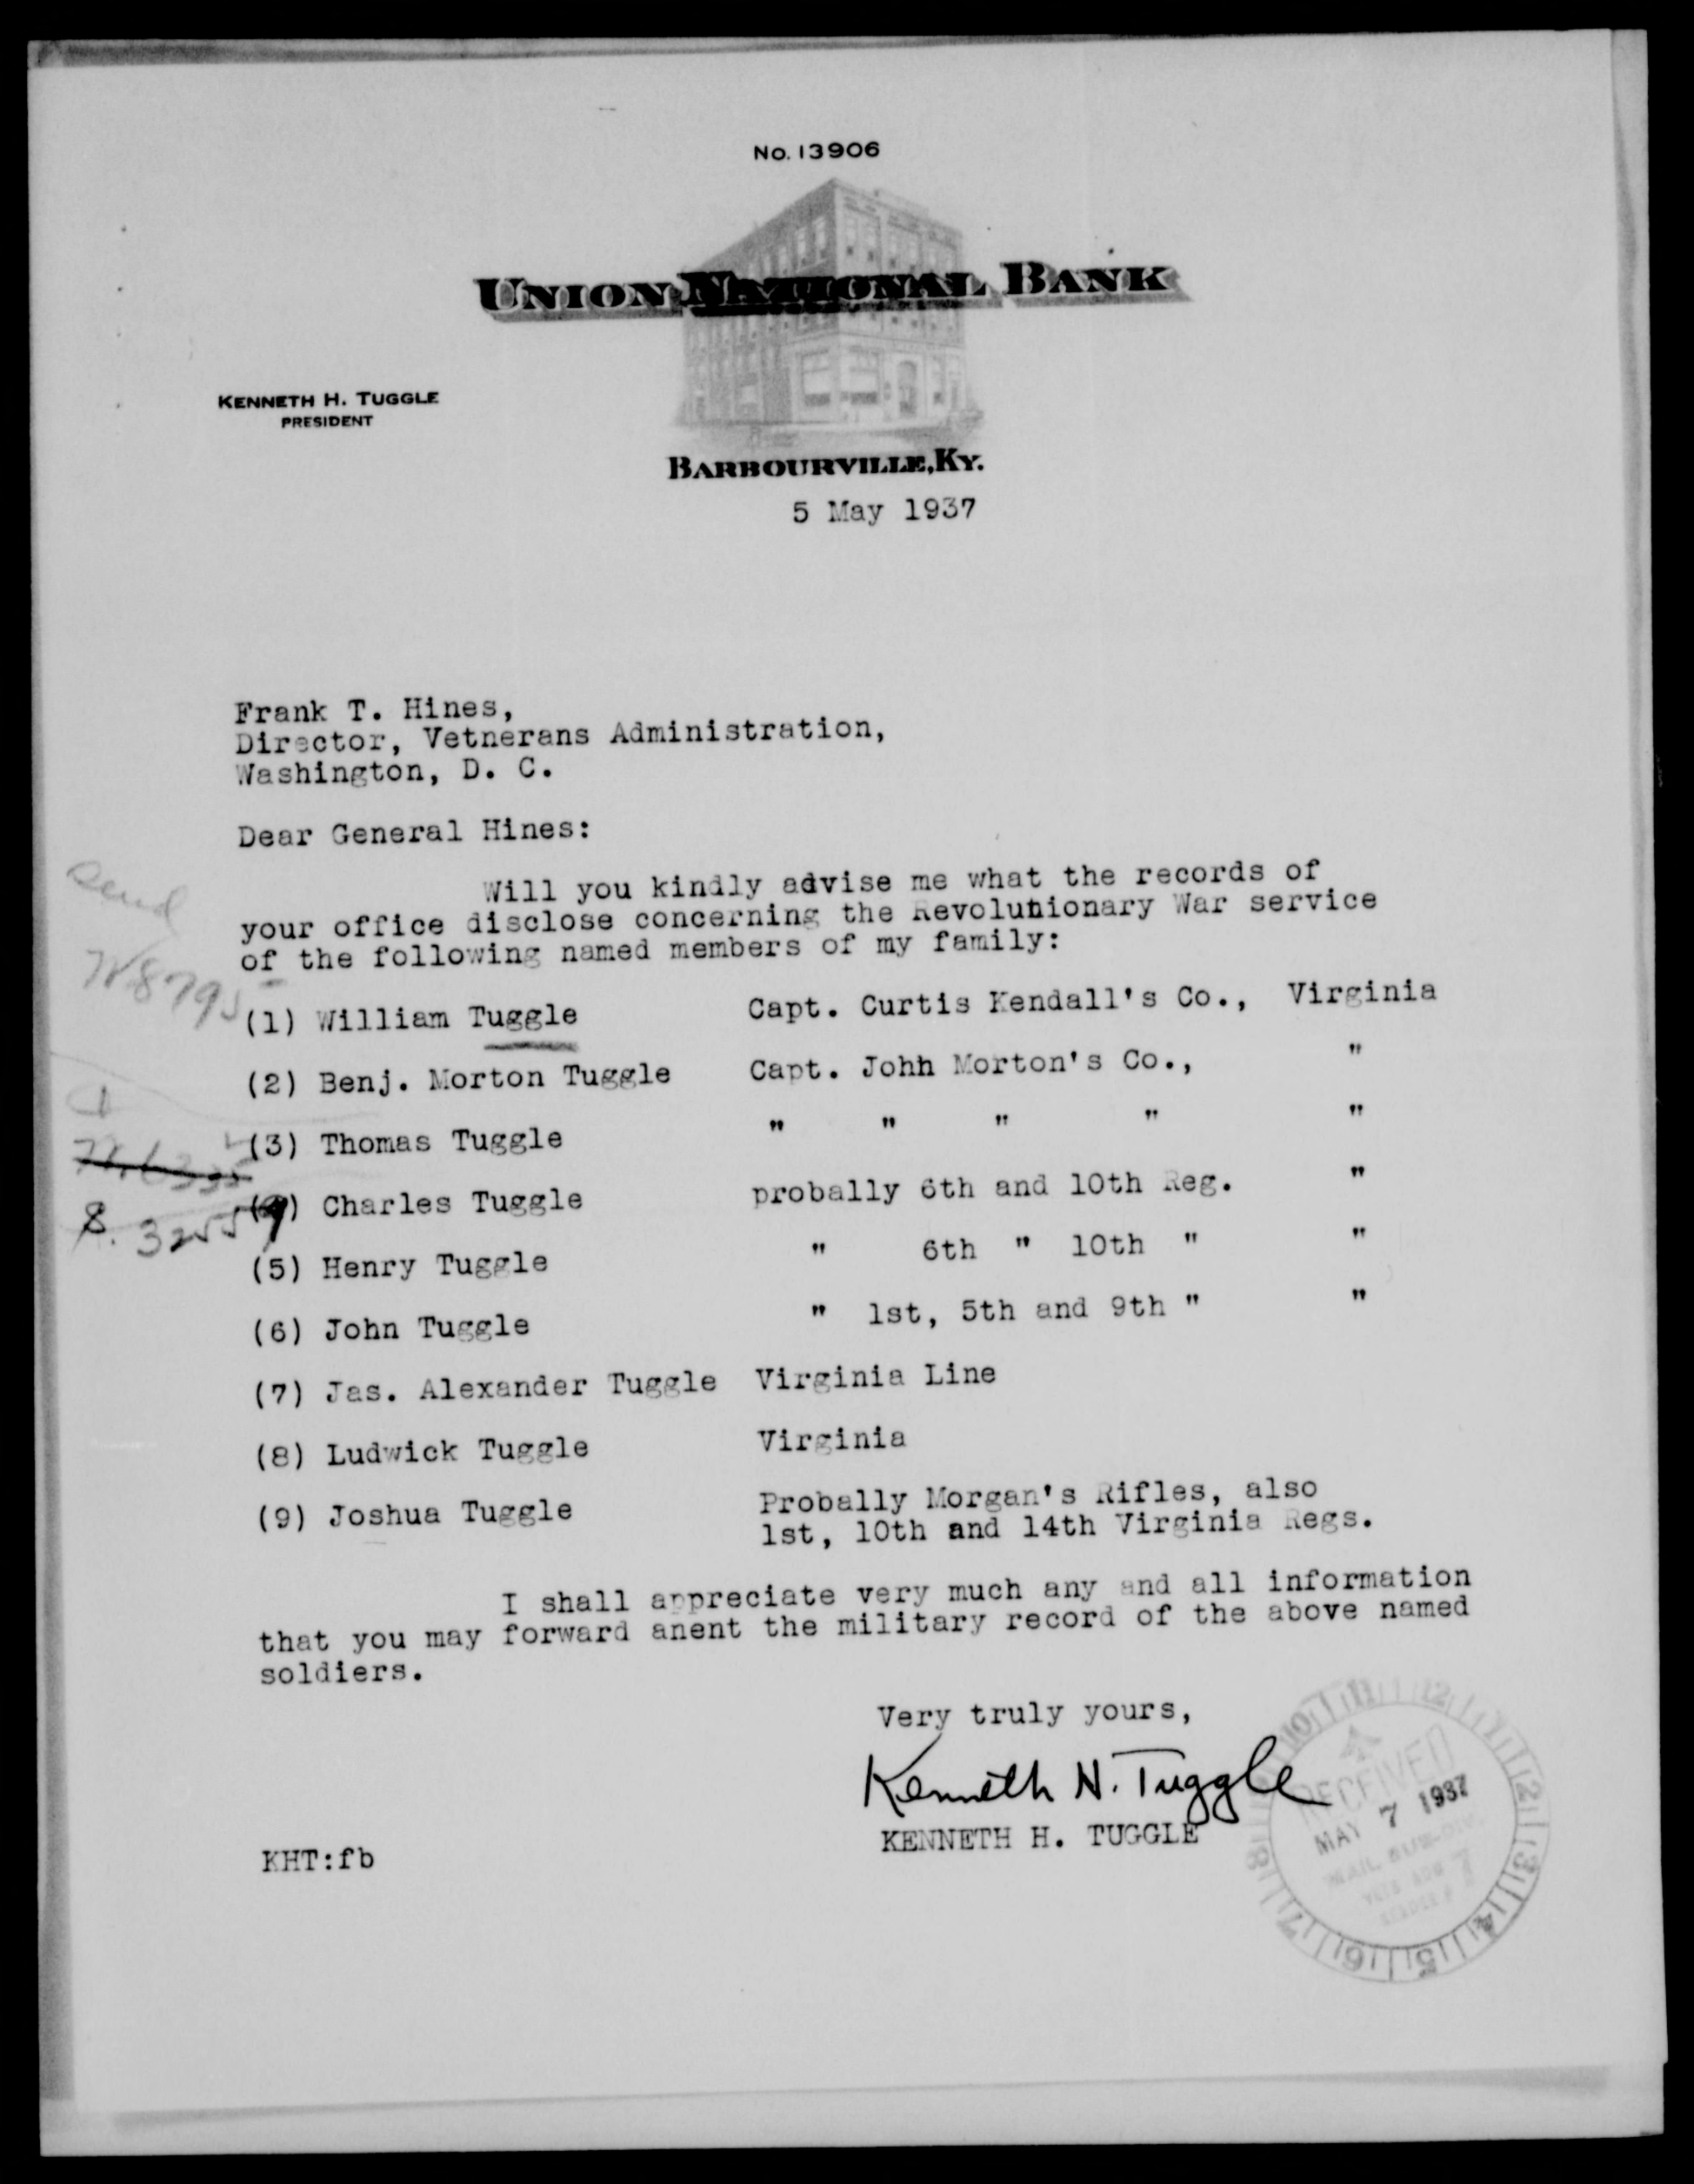No. 13906
Union National Bank
Kenneth H. Tuggle
President
Barbourville, Ky.
5 May 1937

Frank T. Hines, 
Director, Veterans Administration,
Washington, D. C. 

Dear General Hines:
Will you kindly advise me what the records of
your office disclose concerning the Revolutionary War service
of the following named members of my family:
( 1 ) William Tuggle  Capt. Curtis Kendall's Co., Virginia
( 2 ) Benj. Morton Tuggle  Capt. John Morton's Co., Virginia
( 3 ) Thomas Tuggle  Capt. John Morton's Co., Virginia
( 4 ) Charles Tuggle  probably 6th and 10th Reg. Virginia
( 5 ) Henry Tuggle  probably 6th and 10th Reg. Virginia
( 6 ) John Tuggle  probably 1st, 5th and 9th Reg. Virginia
( 7 ) Jas. Alexander Tuggle  Virginia Line
( 8 ) Ludwick Tuggle  Virginia
( 9 ) Joshua Tuggle  Probably Morgan's Rifles, also 1st, 10th and 14th Virginia Regs. 
I shall appreciate very much any and all information
that you may forward about the military record of the above named
soldiers. 
Very truly yours, 
Kenneth H. Tuggle
KHT: fb

[seal]
RECEIVED
MAY 7 1937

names: Jas Alexander Tuggle, Henry Tuggle, Kenneth H Tuggle, Kenneth H Tuggle, Benj Morton Tuggle, Ludwick Tuggle, Thomas Tuggle, Hines, Joshua Tuggle, John Tuggle, Charles Tuggle, Kenneth H Tuggle, William Tuggle, Frank T Hines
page: 18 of 23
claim: survivor's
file: S. 32559, Charles Tuggle, Va.